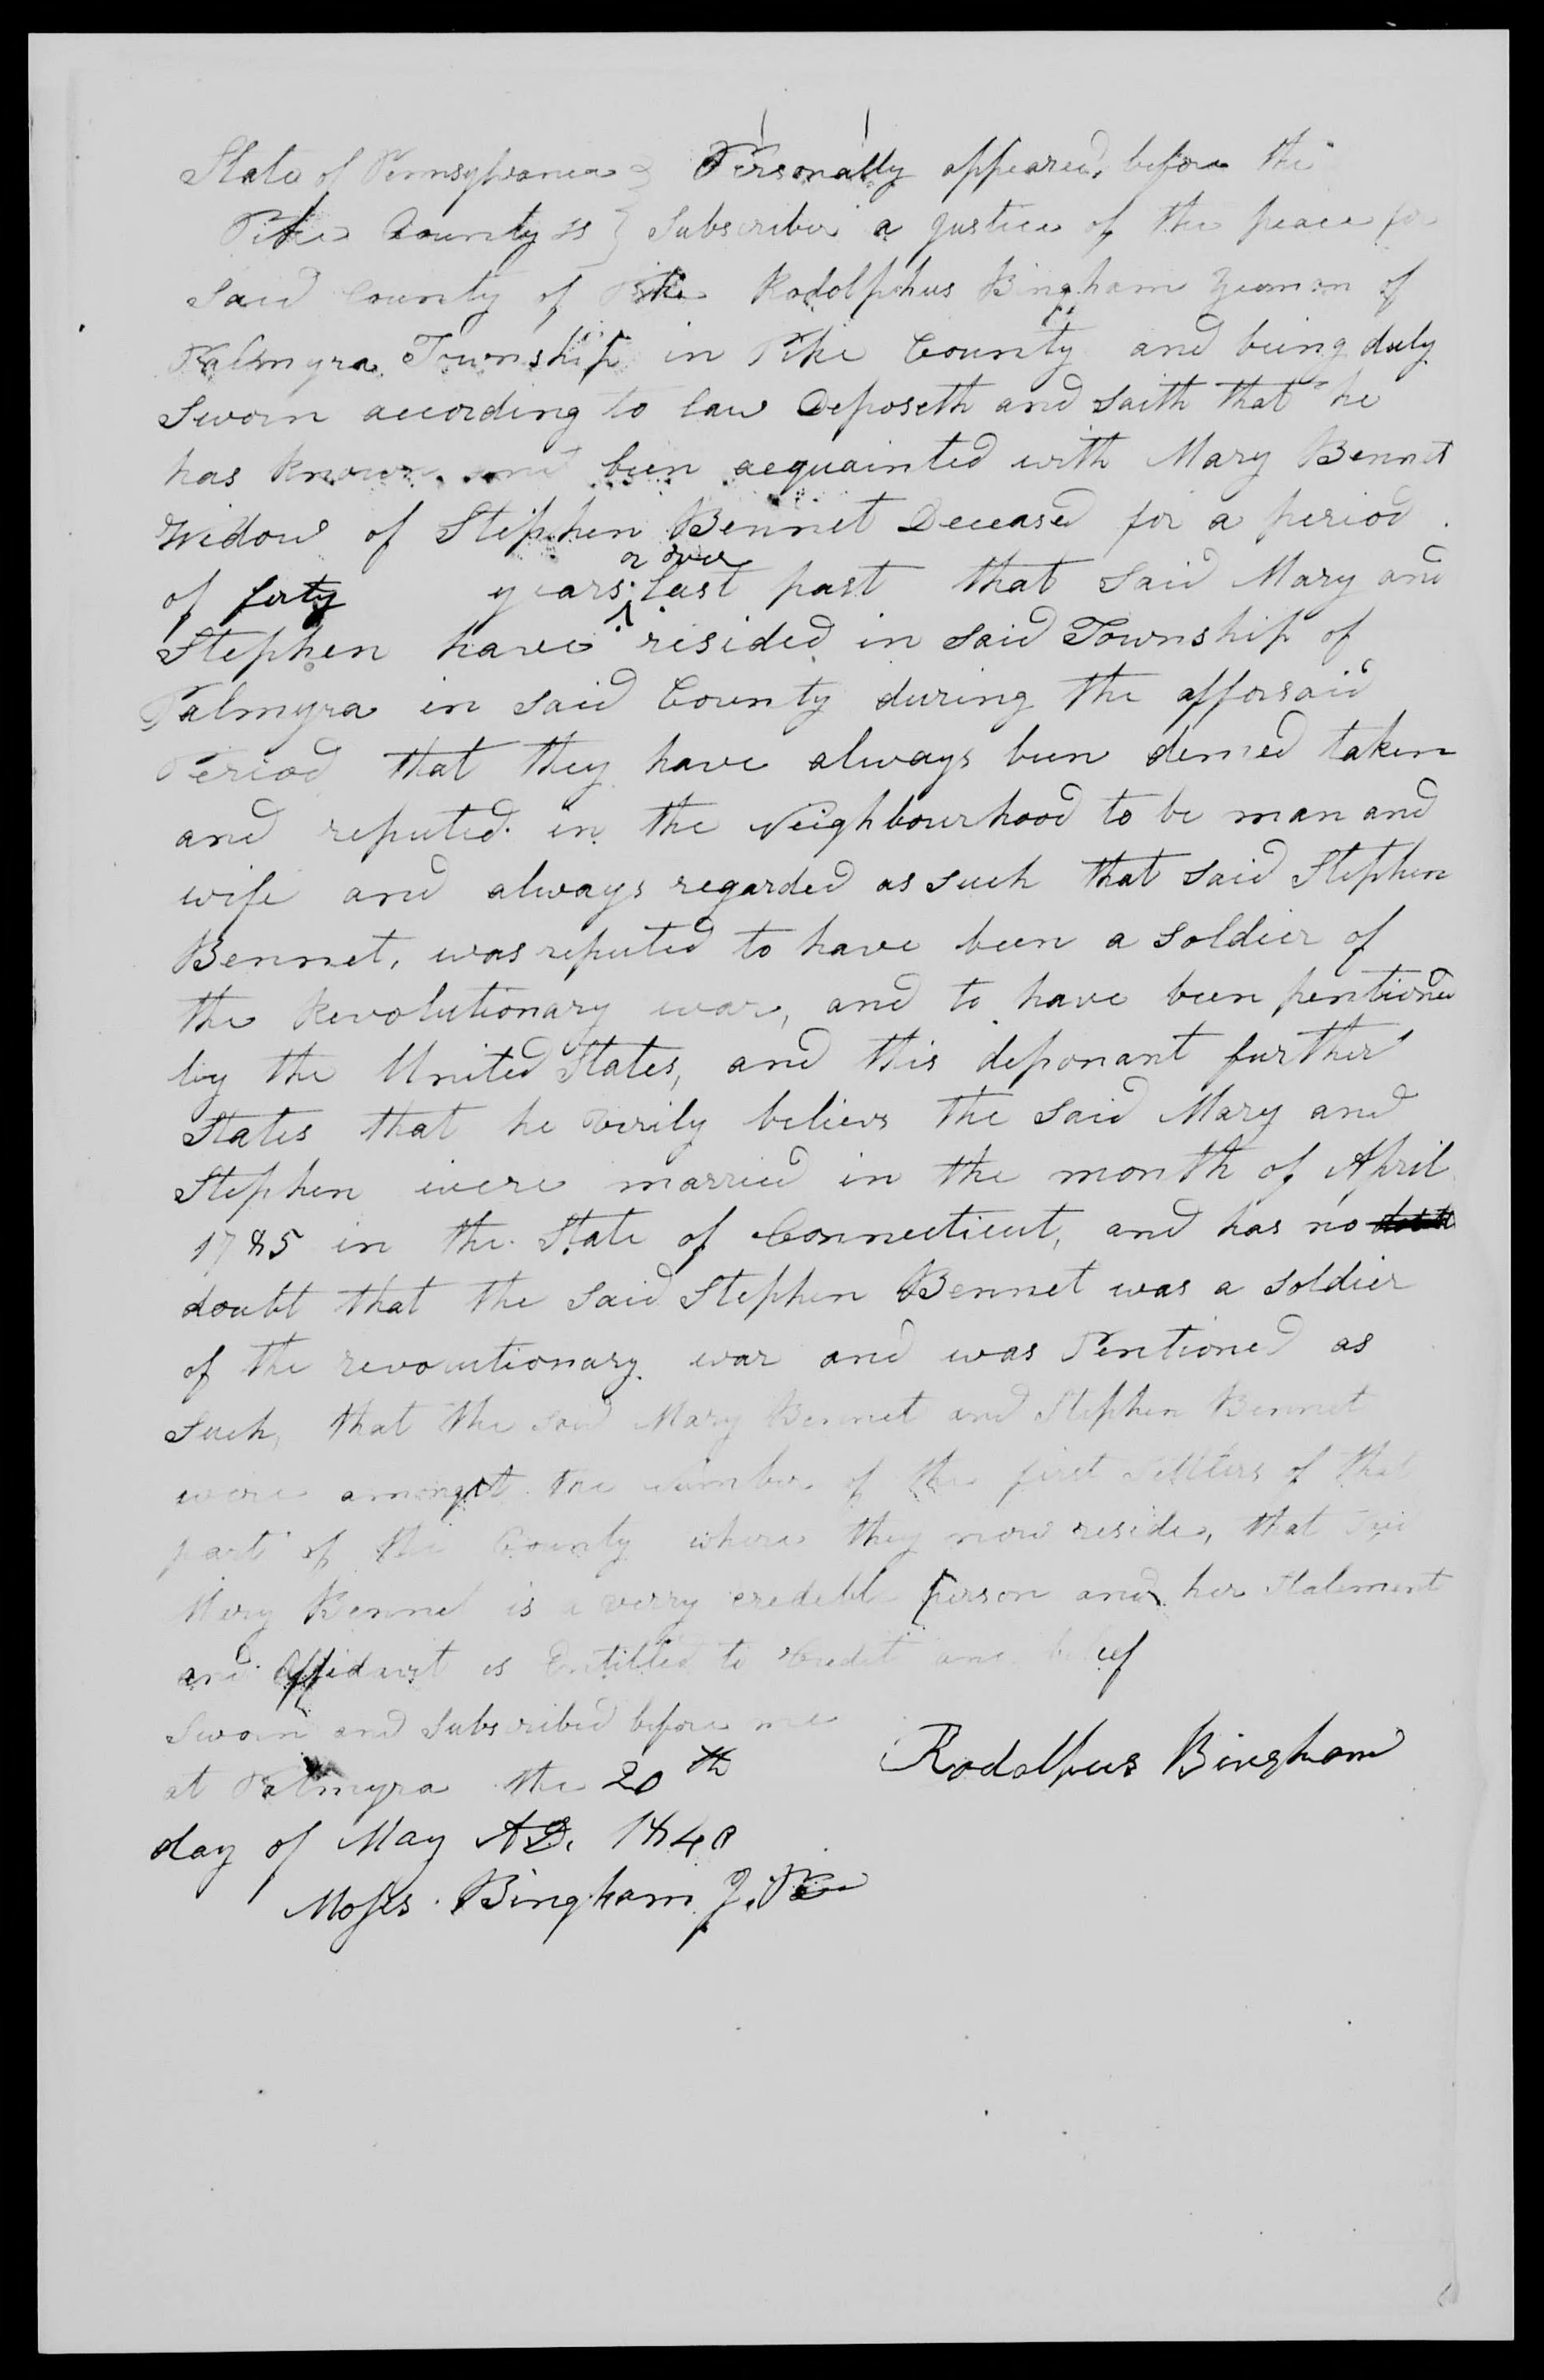State of Pennsylvania
Pike County

Personally appeared before the Subscriber a Justice of the Peace for said county of state Rodolphus Bingham yeoman of Palmyra Township in the County and being duly sworn according to law deposeth and saith that he has known and been acquainted with Mary Bennet widow of Stephen Bennet deceased for a period of forty years or over last past that said Mary and Stepehn have resided in said Township of Palmyra in said County during the aforesaid period that they have always been deemed taken and reputed in the Neighborhood to be man and wife and always regarded as such. That said Stephen Bennet was reputed to have been a soldier of the Revolutionary war, and to have been pentioned by the United States, and this deponant further states that he verily believes the said Mary and Stephen were married in the month of April 1785 in the State of Connecticut, and has no doubt that the said Stephen Bennet was a soldier of the revolutionary war and was Pentioned as such. That the said Mary Bennet and Stephen Bennet were amongst the number of the first settlers of this part off the county where they now reside. That said Mary Bennet is a very credible person and her statement and affidavit is Entitled to credit and belief.
Rudolphus  Bingham
Sworn and Subscribed before me at Palmyra the 20th day of May A.D. 1840
Moses Bingham
Justice of Peace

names: Rodolphus Bingham, Stephen Bennet, Moses Bingham, Mary, Stephen, Rodolpus Bingham, Stephen Bennet, Mary Bennet, Mary Bennet, Mary, Stephen Bennet, Mary Bennet, Stephen Bennet, Stephen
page: 35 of 79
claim: widow's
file: W. 2,906, Stephen Bennet, Conn.